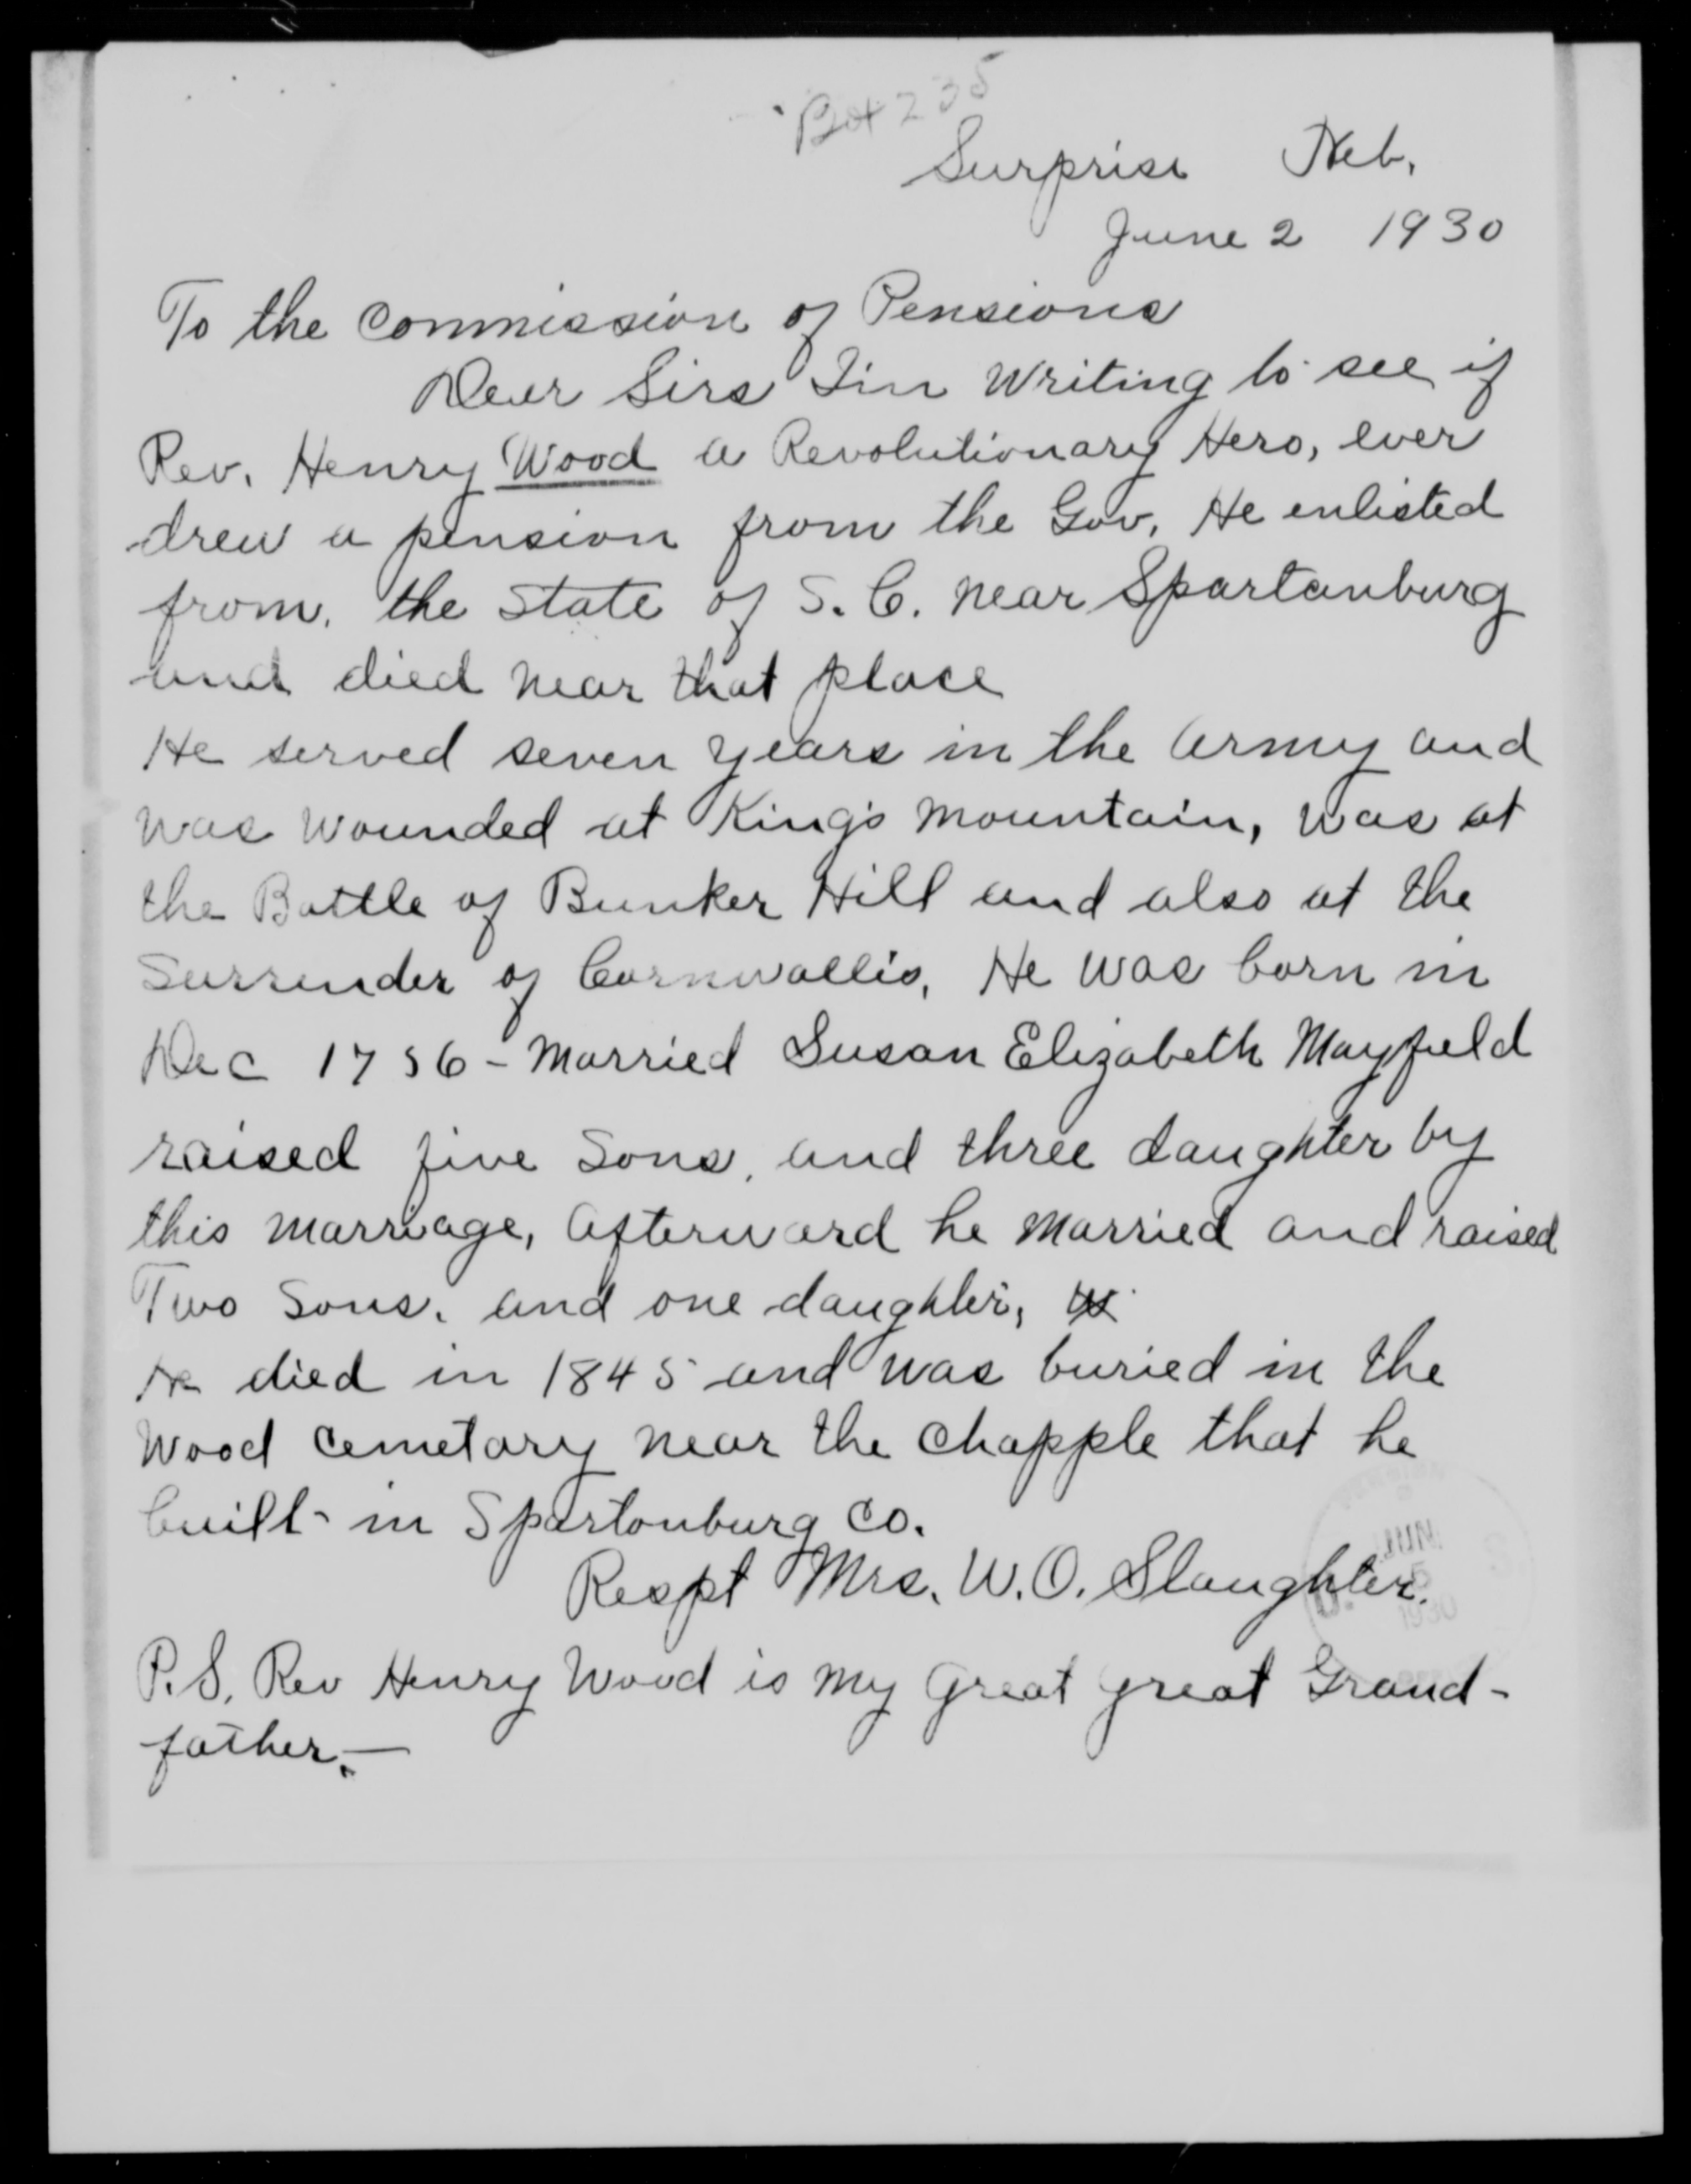Box 235  Surprise Neb  June 2, 1930  To The Commission of Pensions  Dear Sirs I am writing to see if Rev. Henry Wood a Revolutionary Hero, ever drew a pension from the Gov.  He enlisted from the State of S.C. near Spartanburg and died near the same place.  He served seven years in the Army and was wounded at King's Mountain, was at the Battle of Bunker Hill and was also at the surrender of Cornwallis.  He was born in Dec 1756 - married Susan Elizabeth Mayfield raised five sons and three daughters by this marriage, afterward he married and raised two sons and one daughter.  He died in 1845 and was buried in the Wood Cemetery near the Chapple that he built in Spartanburg Co.  Respt Mrs W.O. Slaughter  P.S. Rev Henry Wood is my great great Grandfather.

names: Susan Elizabeth Mayfield, Henry Wood, W O Slaughter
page: 33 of 40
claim: rejected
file: R. 11785, Henry Wood, N. C.